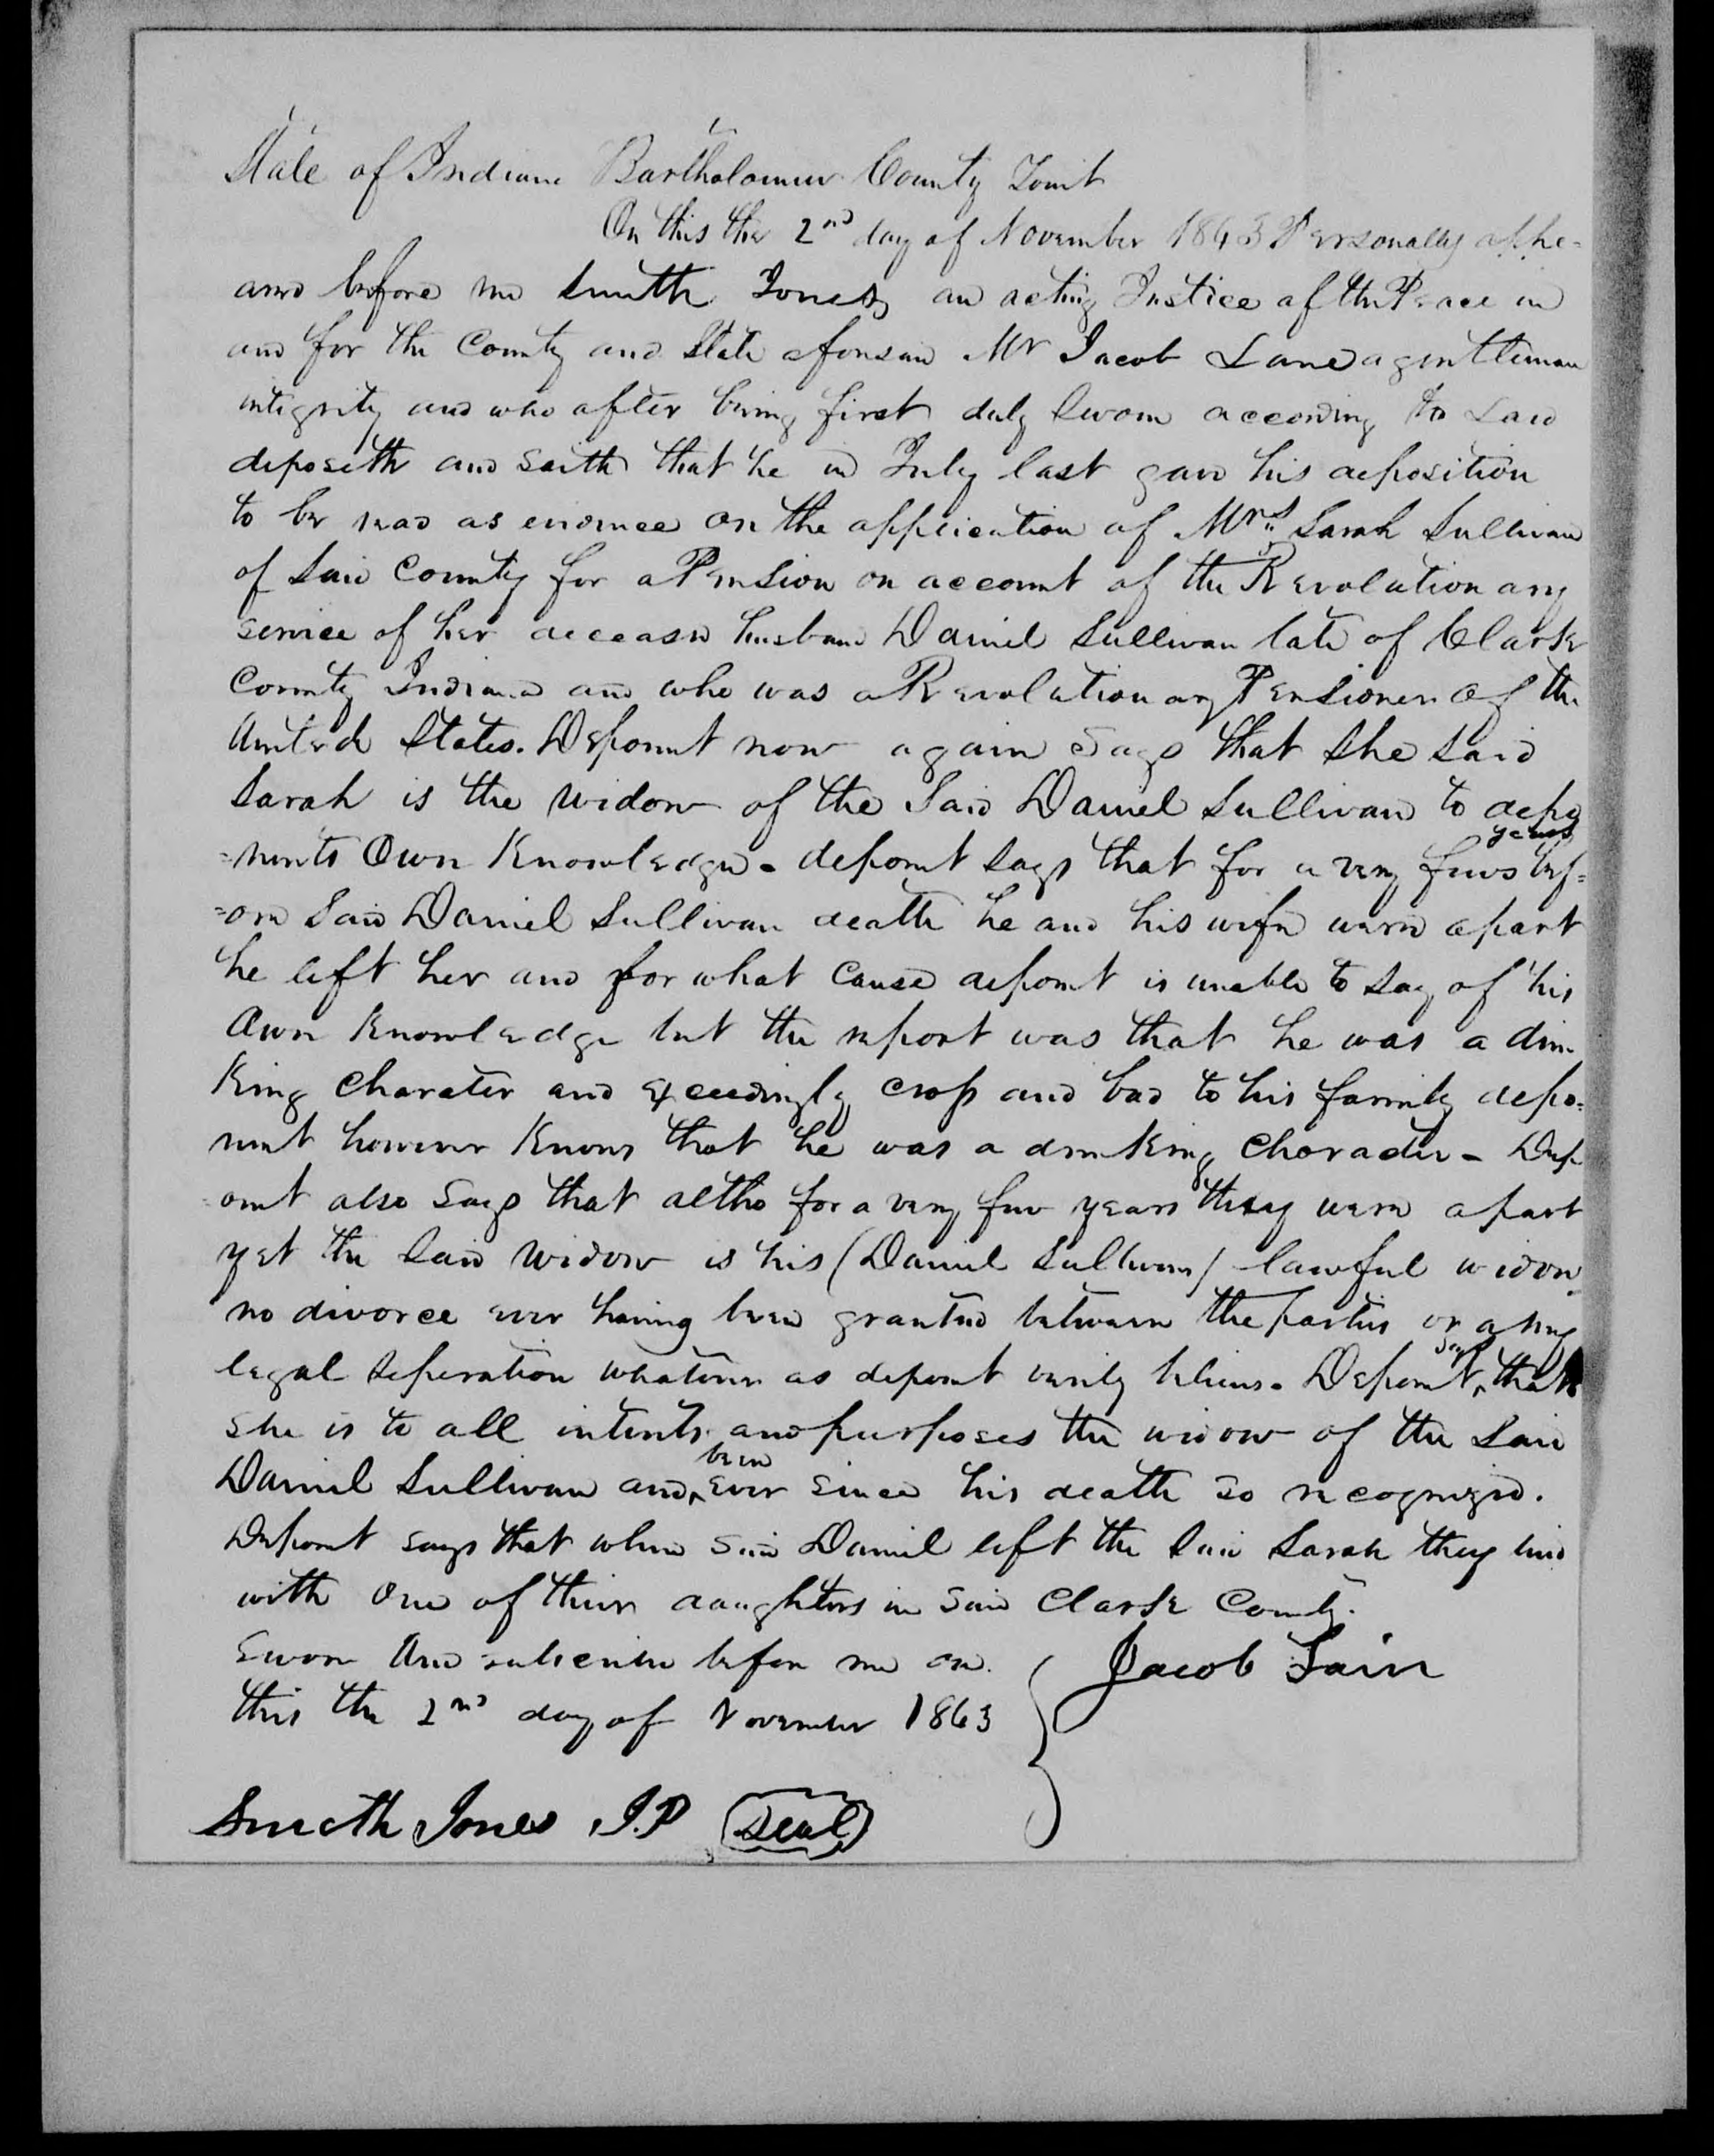State of Indiana Bartholomew County Towit

On this the 2nd day of November 1843 personally appeared before me Smith Jones an acting Justice of the Peace in and for the county and State aforesaid, Mr. Jacob Lain a gentleman integrity and who after being first duly sworn according to law deposeth and saith that he in July last saw his deposition to be had as evidence on the application of Mrs. Sarah Sullivan of said County for a Pension on account of the Revolutionary service of her deceased husband Daniel Sullivan late of Clark County Indiana and who was a Revolutionary Pensioner of the United States. Deponent now again says that she said Sarah is the widow of the said Daniel Sullivan to deponents' own knowledge. Deponent says that for a very few years before said Daniel Sullivan's death he and his wife were apart he left her and for what cause deponent is unable to say of his own knowledge, but the report was that he was a drinking character and exceedingly cross and bad to his family deponent however knows that he was a drinking character. Deponent also says that altho for a very few years they were apart, yet the said widow is his (Daniel Sullivan/lawful widow) no divorce ever having been granted between the parties or any legal separation whatever as deponent verily believes. Deponent says that Daniel Sullivan and been ever since his death so recognized. Deponent says that when said Daniel left, the said Sarah they lived with one of their daughters in said Clark County.

[signed] Jacob Lain

Sworn and subscribed before me on this the 2nd day of November 1863

[signed] Smith Jones J.P - {seal}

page: 67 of 78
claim: widow's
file: W. 25,169, for Daniel Sullivan, Maryland